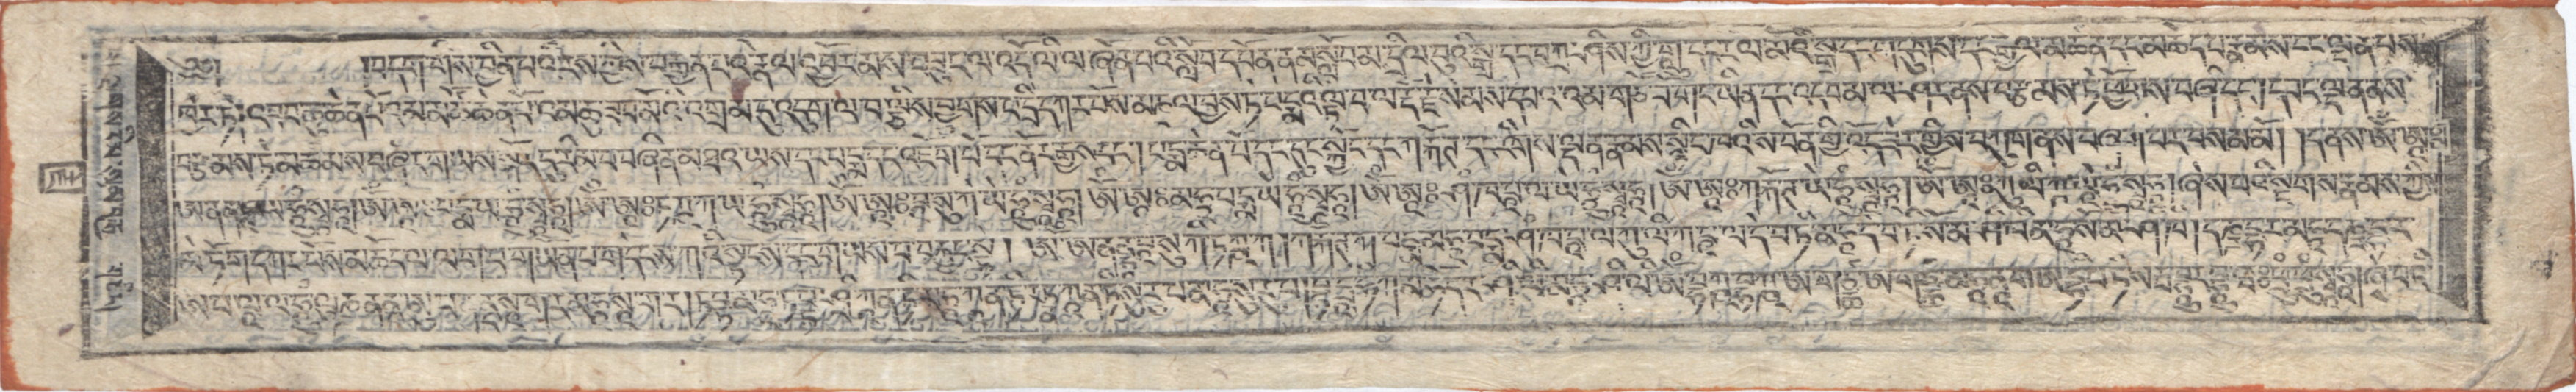༄༅། །བདག་གིས་བྱིན་པའི་རས་ཀྱིས་བརྒྱན་པའི་རྣལ་འབྱོར་མས་བཟུང་ལ་འདོ་ལི་ལ་ཞོན་པའི་སློབ་དཔོན་ནམ་སློབ་མ་དྲིལ་བུའི་སྒྲ་དང་བཀྲ་ཤིས་ཀྱི་གླུ་དང་རོལ་མོའི་སྒྲ་དང་གདུགས་དང་རྒྱལ་མཚན་དང་མཆོད་པ་རྣམས་དང་ལྡན་པས་
ཁྱེར་ཏེ། འབབ་ཆུ་ཆེན་པོའམ་མཚོ་ཆེན་པོ་འམ་ཆུ་ཟབ་མོའི་འགྲམ་དུ་འདུག་ལ་བ་ལྕིས་བྱུགས་པ་དྲི་དཀར་པོས་མཎྜལ་བྱས་ཏེ་པདམའི་ལྟེ་བ་ལ་རྡོ་རྗེ་སེམས་དཔའ་འམ་གཙོ་བོ་གང་ཡིན་དང་འདབ་མ་ལ་ཤར་ནས་བརྩམས་ཏེ་ཕྱོགས་བཞི་དང་། དབང་ལྡན་ནས་
བརྩམས་ཏེ་མཚམས་བཞིར་གཡས་སྐོར་དུ་རིམ་པ་བཞིན་མཐའ་ཡས་དང་པདམ་དང་འཇོག་པོ་དང་ནོར་རྒྱས་དང་། པདམ་ཆེན་པོ་དང་དུང་སྐྱོང་དང་ཀརྐོ་ཊ་དང་རིགས་ལྡན་རྣམས་སྙིང་ཁའི་ས་བོན་གྱི་འོད་ཟེར་གྱིས་བཀུག་ནས་བཞག་པར་བསམ་མོ། །ད་ནས་ཨོཾ་ཨཱཿ
ཨ་ནན་ཏཱ་ཡ་ཧཱུཾ་སྭཱཧཱ། ཨོཾ་ཨཱཿ པདམ་ཡ་ཧཱུཾ་སྭཱཧཱ། ཨོཾ་ཨཱཿ ཏ་ཀྵ་ཀ་ཡ་ཧཱུཾ་སྭཱཧཱ། ཨོཾ་ཨཱཿ བཱ་སུ་ཀེ་ཡེ་ཧཱུཾ་སྭཱཧཱ། ཨོཾ་ཨཱཿ མཧཱ་པདམ་ཡེ་ཧཱུཾ་སྭཱཧཱ། ཨོཾ་ཨཱཿ ཤཾ་ཁཔཱ་ལ་ཡེ་ཧཱུཾ་སྭཱཧཱ། ཨོཾ་ཨཱཿ ཀ་རྐོ་ཊ་ཡེ་ཧཱུཾ་སྭཱཧཱ། ཨོཾ་ཨཱཿ ཀུ་ལི་ཀཱ་ཡE་ཧཱུཾ་སྭཱཧཱ། ཞེས་པའི་སྔགས་རྣམས་ཀྱིས་
མེ་ཏོག་དཀར་པོས་མཆོད་ལ་ལག་པ་གཡོན་པ་གདེངས་ཀའི་སྟངས་དང་གཡས་པ་བརྐྱང་སྟེ། ཨོཾ་ཨ་ནནྟཱ་བཱ་སུ་ཀི་ཏཀྵ་ཀ། ཀརྐ་ཊ་ཀ་པདམ་མཧཱ་པདམ་ཤཾ་ཁ་པཱ་ལ་ཀུ་ལི་ཀ་པཱ་ལ་དེ་བ་ཏི་མཧཱ་དེ་བ་ཏི་སོ་མ་ཤི་ཁིམ་ཧཱ་སོ་མ་ཤ་ཁི། ད་ཎྜ་དྷ་ར་མཧཱ་ད་ཎྜ་དྷ་ར་
ཨ་པ་ལཱ་ལ་ཧཱུཾ་ལུཎྜན་ནྭ་ཨུ་པ་ན་ནྡ་སཱ་ག་ར་མ་ཧཱ་སཱ་ག་ར། ཏཔྟ་མཧཱ་ཏཔྟ་ཤྲི་ཀཱན་ཏི་མཧཱ་ཀཱ་ན་ཏི་རཏྣ་ཀཱན་ཏི་སུ་རུ་པ་མཧཱ་སུ་རུ་པ། བྷ་དྲཱ་ཧི་ཀ་མ་ཧོ་ད་ར་ཤི་ལི་མཧཱ་ཤི་ལི་ཨོཾ་བྷཀྵ་བྷ་ཀྵ་ཨ་གཙྪ་ཨ་གཙྪ་མཧཱ་ནཱ་ག་ཨ་དྷི་པ་ཏི་སརྦ་བྷཱུར་བྷཱུ་ཝཿ ཕྲུཾ་ཕྲུཾ་སྭཱཧཱ། ཞེས་བའི་